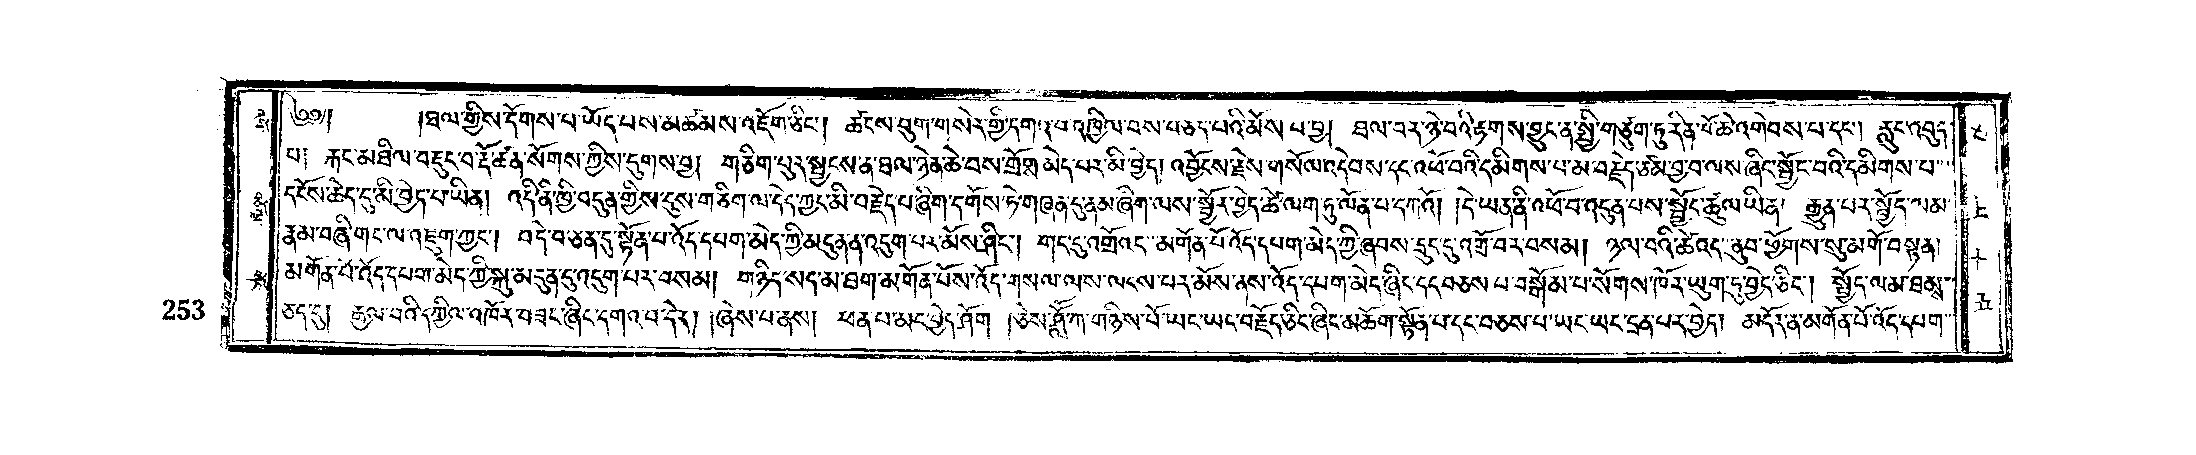༄༅། །ཐལ་གྱིས་དོགས་པ་ཡོད་པས་མཚམས་འཇོག་ཅིང་། ཚངས་བུག་གསེར་གྱི་དགའ་བ་འཁྱིལ་བས་བཅད་པའི་མོས་པ་བྱ། ཐལ་བར་ཉེ་བའི་རྟགས་བྱུང་ན་སྤྱི་གཙུག་ཏུ་རིན་པོ་ཆེ་འགེབས་པ་དང་། རླུང་འབུད་
པ། རྐང་མཐིལ་བརྡུང་བ་རྡོ་ཚན་སོགས་ཀྱིས་དུགས་བྱ། གཅིག་པུར་སྦྱངས་ན་ཐལ་ཉེན་ཆེ་བས་གྲོགས་མེད་པར་མི་བྱེད། འབྱོངས་རྗེས་གསོལ་འདེབས་དང་འཕོ་བའི་དམིགས་པ་མ་བརྗེད་ཙམ་བྱ་བ་ལས་ཞིང་སྦྱོང་བའི་དམིགས་པ་
དངོས་ཆེད་དུ་མི་བྱེད་པ་ཡིན། འདི་ནི་ཁྱི་བདུན་གྱིས་དུས་གཅིག་ལ་དེད་ཀྱང་མི་བརྗེད་པ་ཞིག་དགོས་ཏེ་གཞན་དུ་ནམ་ཞིག་ལས་སྦྱོར་བྱེད་ཚེ་ལག་ཏུ་ལོན་པ་དཀའོ། །དེ་ཡན་ནི་འཕོ་བ་འདུན་པས་སྦྱོང་ཚུལ་ཡིན། རྒྱུན་པར་སྤྱོད་ལམ་
རྣམ་བཞི་གང་ལ་འཇུག་ཀྱང་། བདེ་བ་ཅན་དུ་སྟོན་པ་འོད་དཔག་མེད་ཀྱི་མདུན་ན་འདུག་པར་མོས་ཤིང་། གང་དུ་འགྲོའང་མགོན་པོ་འོད་དཔག་མེད་ཀྱི་ཞབས་དྲུང་དུ་འགྲོ་བར་བསམ། ཉལ་བའི་ཚེའང་ནུབ་ཕྱོགས་སུ་མགོ་བསྟན།
མགོན་པོ་འོད་དཔག་མེད་ཀྱི་སྐུ་མདུན་དུ་འདུག་པར་བསམ། གཉིད་སད་མ་ཐག་མགོན་པོས་འོད་གསལ་ལས་ལངས་པར་མོས་ནས་འོད་དཔག་མེད་ཞིང་དང་བཅས་པ་བསྒོམ་པ་སོགས་ཁོར་ཡུག་ཏུ་བྱེད་ཅིང་། སྤྱོད་ལམ་ཐམས་
ཅད་དུ། རྒྱལ་བའི་དཀྱིལ་འཁོར་བཟང་ཞིང་དགའ་བ་དེར། །ཞེས་པ་ནས། ཕན་པ་མང་བྱེད་ཤོག །ཅེས་ཤླཽ་ཀ་གཉིས་པོ་ཡང་ཡང་བརྗོད་ཅིང་ཞིང་མཆོག་སྟོན་པ་དང་བཅས་པ་ཡང་ཡང་དྲན་པར་བྱེད། མདོར་ན་མགོན་པོ་འོད་དཔག་